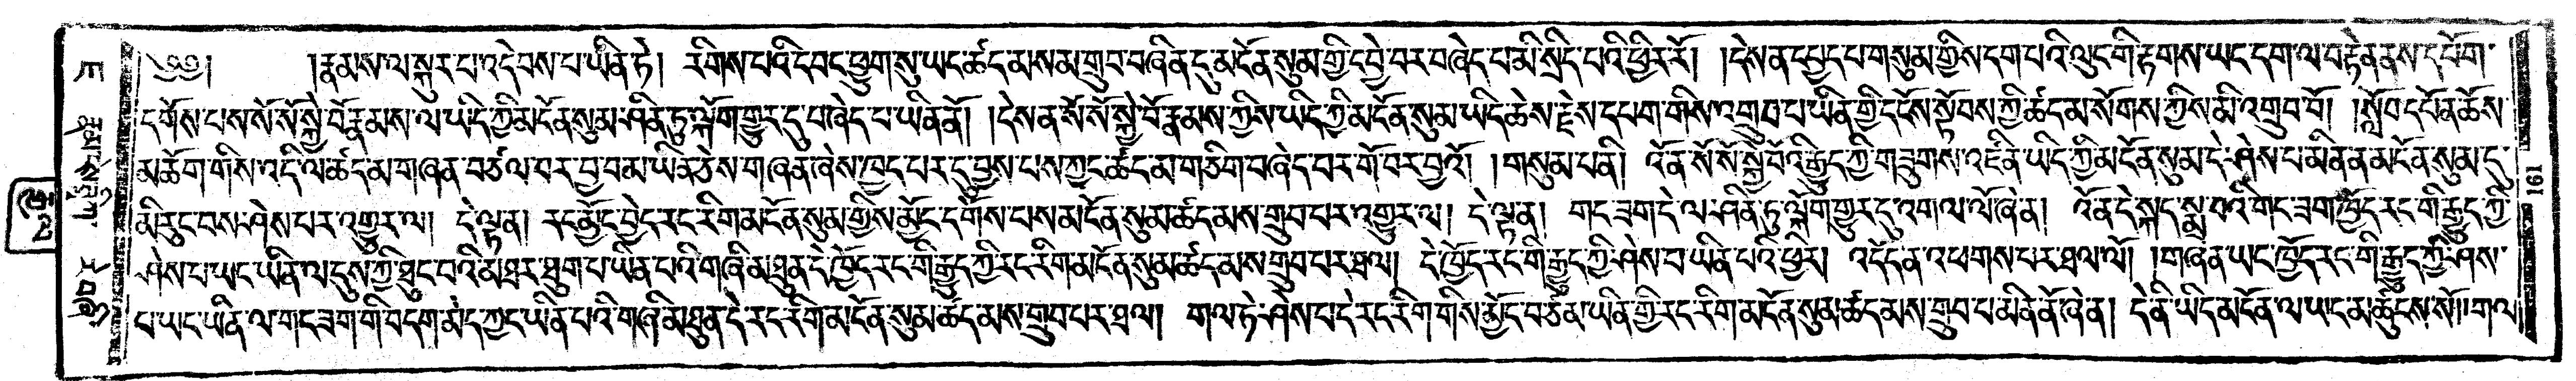༄༅། །རྣམས་ལ་སྐུར་པ་འདེབས་པ་ཡིན་ཏེ། རིགས་པའི་དབང་ཕྱུག་སུ་ཡང་ཚད་མས་མ་གྲུབ་བཞིན་དུ་མངོན་སུམ་གྱི་དབྱེ་བར་བཞེད་པ་མི་སྲིད་པའི་ཕྱིར་རོ། །དེས་ན་དཔྱད་པ་གསུམ་གྱིས་དག་པའི་ལུང་གི་རྟགས་ཡང་དག་ལ་བརྟེན་ནས་དཔོག་
དགོས་པས་སོ་སོ་སྐྱེ་བོ་རྣམས་ལ་ཡིད་ཀྱི་མངོན་སུམ་ཤིན་ཏུ་ལྐོག་གྱུར་དུ་བཞེད་པ་ཡིན་ནོ། །དེས་ན་སོ་སོ་སྐྱེ་བོ་རྣམས་ཀྱིས་ཡིད་ཀྱི་མངོན་སུམ་ཡིད་ཆེས་རྗེས་དཔག་གིས་འགྲུབ་པ་ཡིན་གྱི་དངོས་སྟོབས་ཀྱི་ཚད་མ་སོགས་ཀྱིས་མི་འགྲུབ་བོ། །སློབ་དཔོན་ཆོས་
མཆོག་གིས་འདི་ལ་ཚད་མ་གཞན་བཙལ་བར་བྱ་བ་མ་ཡིན་ཅེས་གཞན་ཞེས་ཁྱད་པར་དུ་བྱས་པས་ཀྱང་ཚད་མ་གཅིག་བཞེད་པར་གོ་བར་བྱའོ། །གསུམ་པ་ནི། འོ་ན་སོ་སོ་སྐྱེ་བོའི་རྒྱུད་ཀྱི་གཟུགས་འཛིན་ཡིད་ཀྱི་མངོན་སུམ་དེ་ཤེས་པ་མིན་ན་མངོན་སུམ་དུ་
མི་རུང་བས་ཤེས་པར་འགྱུར་ལ། དེ་ལྟ་ན། རང་མྱོང་བྱེད་རང་རིག་མངོན་སུམ་གྱིས་མྱོང་དགོས་པས་མངོན་སུམ་ཚད་མས་གྲུབ་པར་འགྱུར་ལ། དེ་ལྟ་ན། གང་ཟག་དེ་ལ་ཤིན་ཏུ་ལྐོག་གྱུར་དུ་འགལ་ལོ་ཞེ་ན། འོ་ན་དེ་སྐད་སྨྲ་བའི་གང་ཟག་ཁྱོད་རང་གི་རྒྱུད་ཀྱི་
ཤེས་པ་ཡང་ཡིན་ལ་དུས་ཀྱི་ཐུང་བའི་མཐར་ཐུག་པ་ཡིན་པའི་གཞི་མཐུན་དེ་ཁྱོད་རང་གི་རྒྱུད་ཀྱི་རང་རིག་མངོན་སུམ་ཚད་མས་གྲུབ་པར་ཐལ། དེ་ཁྱོད་རང་གི་རྒྱུད་ཀྱི་ཤེས་པ་ཡིན་པའི་ཕྱིར། འདོད་ན་འཕགས་པར་ཐལ་ལོ། །གཞན་ཡང་ཁྱོད་རང་གི་རྒྱུད་ཀྱི་ཤེས་
པ་ཡང་ཡིན་ལ་གང་ཟག་གི་བདག་མེད་ཀྱང་ཡིན་པའི་གཞི་མཐུན་དེ་རང་རིག་མངོན་སུམ་ཚད་མས་གྲུབ་པར་ཐལ། གལ་ཏེ་ཤེས་པ་དེ་རང་རིག་གིས་མྱོང་བ་ཙམ་ཡིན་གྱི་རང་རིག་མངོན་སུམ་ཚད་མས་གྲུབ་པ་མིན་ནོ་ཞེ་ན། དེ་ནི་ཡིད་མངོན་ལ་ཡང་མཚུངས་སོ། །གལ་